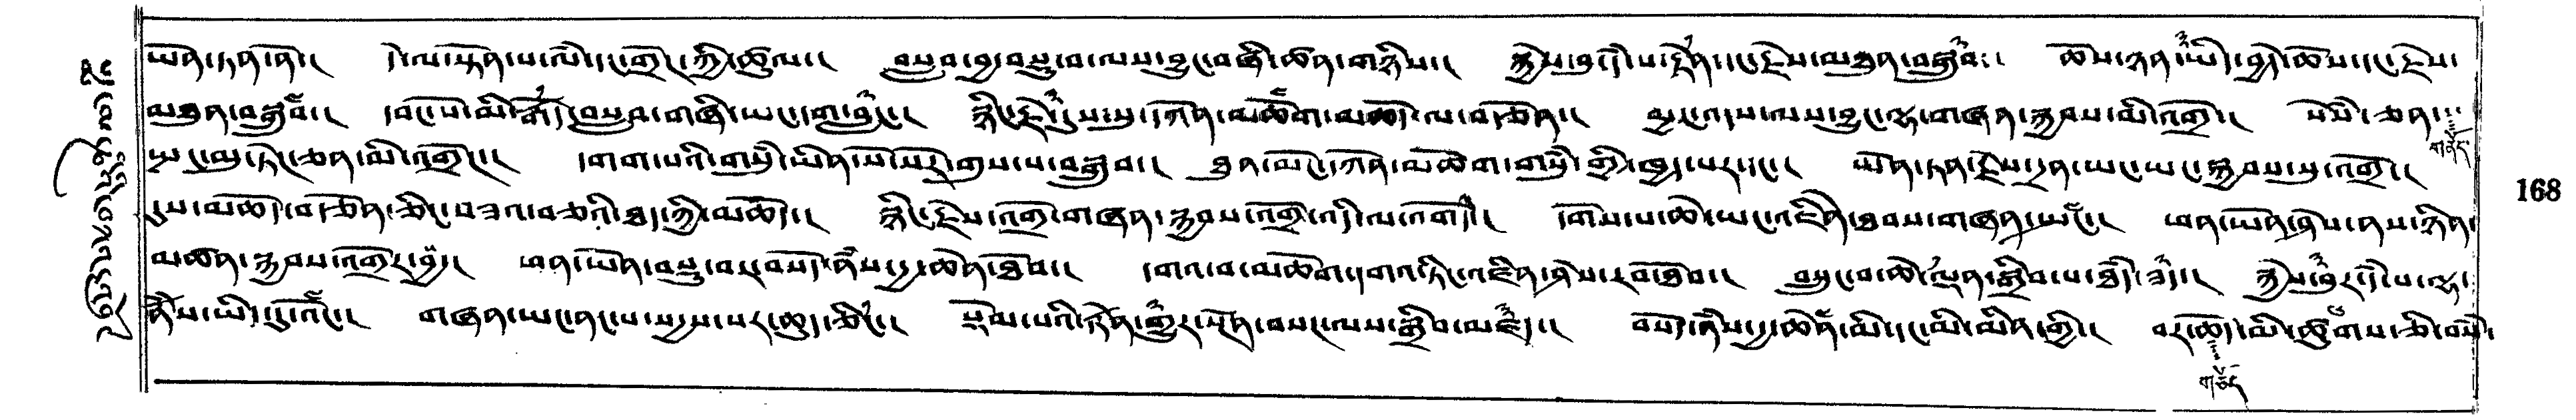ཡོན་ཏན་ནོ། །དེ་ལ་སྟོན་པ་ལམ་དང་གྲོགས་ཀྱི་ཚུལ། །བསླབ་བྱ་བསྡུ་བ་ལས་བྱུང་བཞི་ཚན་གཉིས། །སྐྱེས་བུ་དམ་པ་བསྟེན་དང་རྗེས་མཐུན་བསྒྲུབ། །ཆོས་ཉན་ཡིད་བྱེད་ཆོས་དང་རྗེས་
མཐུན་བསྒྲུབ། །དབང་པོ་མི་རྒོད་བསླབ་གཞི་ཡང་དག་བླང་། །སྙིང་རྗེ་དུས་སུ་དཀོན་མཆོག་མཆོད་ལ་བརྩོན། །མྱང་འདས་ལས་བྱུང་ལྷ་གཞན་སྐྱབས་མི་འགྲོ། །སེམས་ཅན་གནོད་
སྤང་མུ་སྟེགས་ཅན་མི་འགྲོགས། །དགག་པའི་གསུམ་ཡིན་སོ་སོར་གུས་པས་བསྒྲུབ། །ཐུན་མོང་དཀོན་མཆོག་གསུམ་གྱི་ཁྱད་པར་དང་། །ཡོན་ཏན་རྗེས་དྲན་ཡང་ཡང་སྐྱབས་སུ་འགྲོ། །
དུས་མཆོད་བརྩོན་ཅིང་བཟའ་བཅའི་ཐད་ཀྱི་མཆོད། །སྙིང་རྗེས་འགྲོ་གཞན་སྐྱབས་འགྲོ་འདི་ལ་འགོད། །དགོས་པ་ཆེ་ཡང་འཇིག་རྟེན་ཐབས་གཞན་སྤང་། །ཕན་ཡོན་ཤེས་ནས་ཉིན་
མཚན་སྐྱབས་འགྲོར་བྱ། །ཕན་ཡོན་བསྡུ་བར་བསོད་ནམས་རྒྱ་ཆེན་ཐོབ། །དགའ་བ་མཆོག་དགའ་ཏིང་འཛིན་ཤེས་རབ་ཐོབ། །བསྲུང་བ་ཆེ་ལྡན་སྒྲིབ་པ་ཐམས་ཅད་ཟད། །སྐྱེས་བུ་དམ་པར་ལྷ་
རྣམས་ཡིད་དུ་འོང་། །གཞན་ཡང་ནང་པ་སངས་རྒྱས་སར་ཆུད་ཅིང་། །སྡོམ་པའི་རྟེན་གྱུར་སྔོན་བསགས་ལས་སྒྲིབ་འཛད། །བསོད་ནམས་རྒྱ་ཆེན་མི་དང་མི་མིན་གྱི། །བར་གཅོད་མི་ཚུགས་ཅི་བསམ་